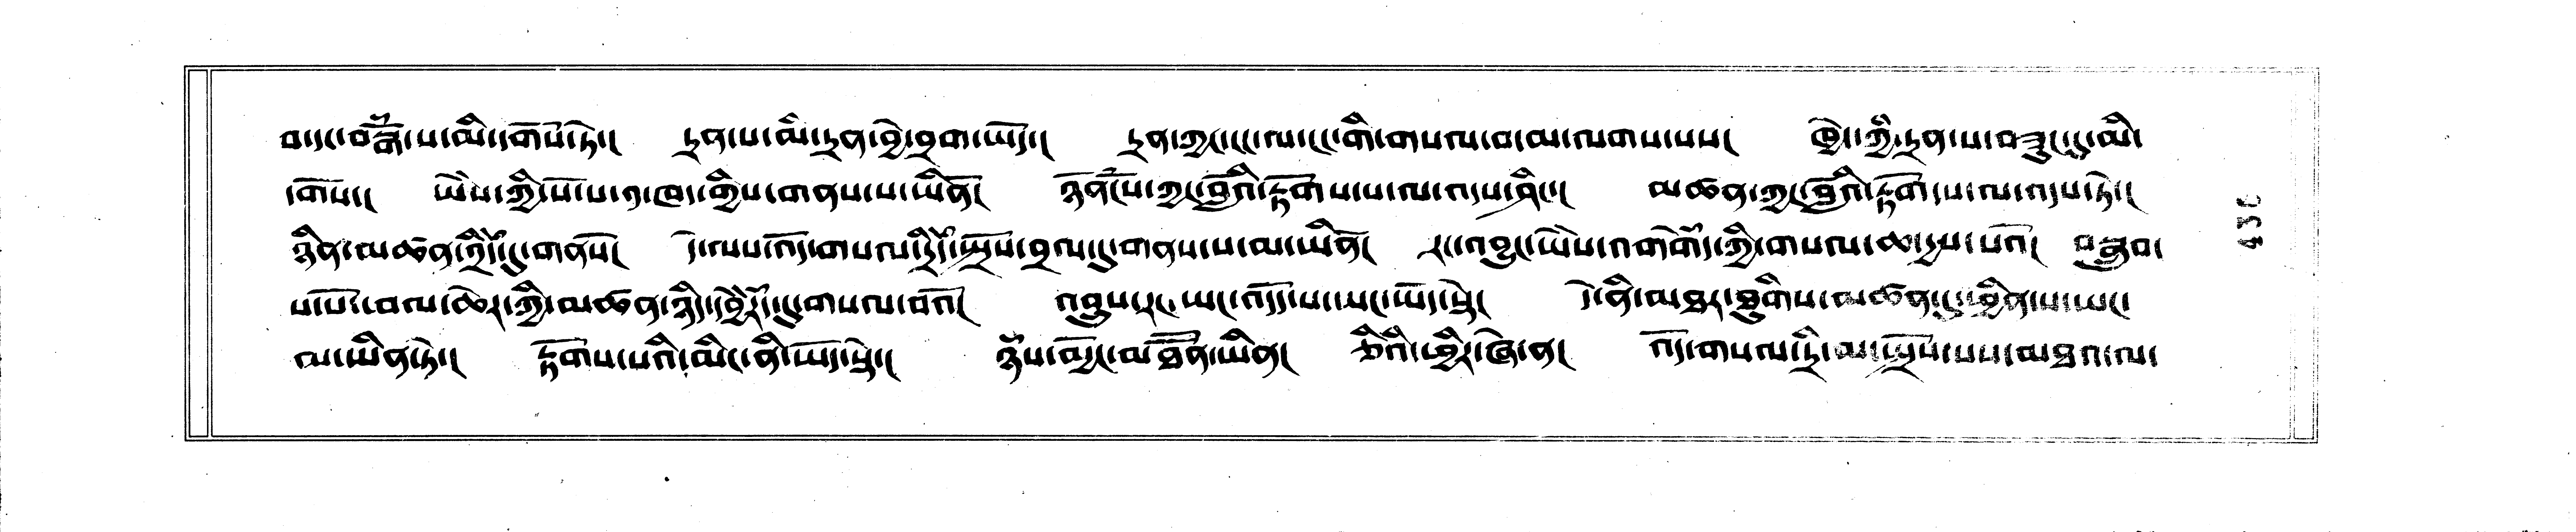བ་དང་སྒོམ་པ་མི་དགོས་ཏེ། དྲན་དང་མི་དྲན་བྱེ་བྲག་མེད། དྲན་ཀྱང་༼ཡང༽ངང་ལ་ངང་གིས་གསལ་བ་མ་ལགས་སྟེ། དྲན་དང་དྲན་པས་བཟུང་དུ་མ་
དགོས་སོ། ཡེ་ཤེས་ཀྱིས་སོ་པ་ཁད་ཀྱིས་གནས་པ་ཡིན་ནོ། ཉིན་ཀྱང་༼ཡང༽བློའི་རྟོག་པ་ལས་འདས་ཅིང་། མཚན་ཀྱང་༼ཡང༽བློའི་རྟོག་པ་ལས་འདས་ཏེ། 
ཉིན་མཚན་གཉིས་མེད་དུ་གནས་པའོ། དེ་ལ་འོད་གསལ་དྲིེ་མེད་སྤྲོས་བྲལ་དུ་གནས་པ་ནི་མ་ཡིན་པས་རང་འབྱུང་ཡེ་ཤེས་གྷག་མེད་ཀྱི་གསལ་ཆ་རྒྱས་པའོ། བསྒྲུབ་
པ་པོ་ཕལ་ཆེས་ཀྱིས། ཉིན་མཚན་དབྱེར་མེད་གནས་པ་ལ་འབྲས་བུར་འདོད་པ་ཡང་ཡོད་ཏེ། དེ་ནི་མཐར་ཐུག་གི་མཆོག་དུ་ཡང་
མ་ཡིན་ཏེ། རྟོགས་པའི་མིང་ནི་ཡོད་ཏེ་ཉམས་མྱོང་མཐོང་པོ་ཡིན་ཏེ། ཅིའི་ཕྱིར་ཞེ་ན། འོད་གསལ་དྲི་མེད་སྤྲོས་པའི་མཐའ་ལས་